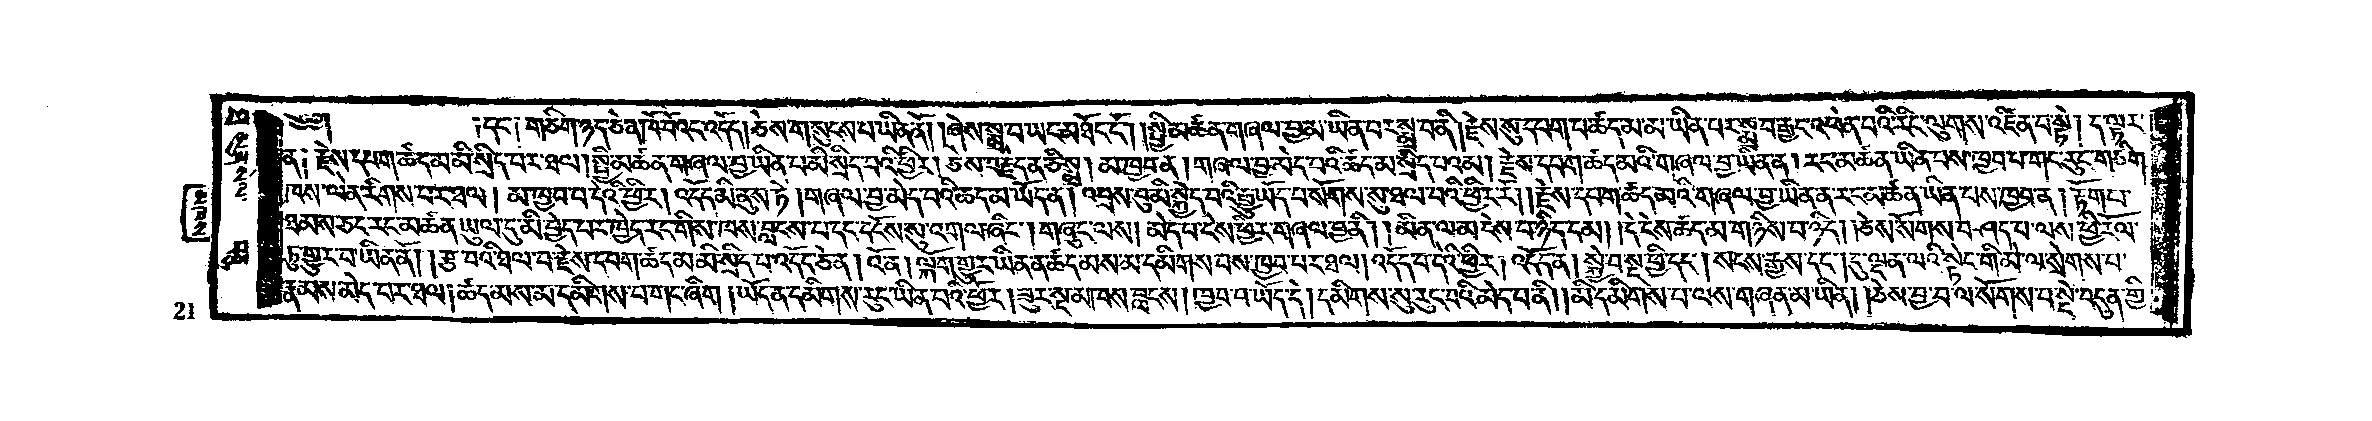༄༅། །དང་། གཅིག་ཉིད་ཅེ་ན་ཁོ་བོའང་འདོད། ཅེས་གསུངས་པ་ཡིན་ནོ། །ཞེས་སྨྲ་བ་ཡང་མཐོང་ངོ། །སྤྱི་མཚན་གཞལ་བྱ་མ་ཡིན་པར་སྨྲ་བ་ནི། རྗེས་སུ་དཔག་པ་ཚད་མ་མ་ཡིན་པར་སྨྲ་བ་རྒྱང་འཕེན་པའི་རིང་ལུགས་འཛིན་པ་སྟེ། དེ་ལྟར་
ན། རྗེས་དཔག་ཚད་མ་མི་སྲིད་པར་ཐལ། སྤྱི་མཚན་གཞལ་བྱ་ཡིན་པ་མི་སྲིད་པའི་ཕྱིར། ཅེས་བརྗོད་ན་ཅི་སྨྲ། མ་ཁྱབ་ན། གཞལ་བྱ་མེད་པའི་ཚད་མ་སྲིད་པའམ། རྗེས་དཔག་ཚད་མའི་གཞལ་བྱ་ཡིན་ན། རང་མཚན་ཡིན་པས་ཁྱབ་པ་གང་རུང་གཅིག་
ཁས་ལེན་རིགས་པར་ཐལ། མ་ཁྱབ་པ་དེའི་ཕྱིར། འདོད་མི་ནུས་ཏེ། གཞལ་བྱ་མེད་པའི་ཚད་མ་ཡོད་ན། འབྲས་བུ་མི་སྐྱེད་པའི་རྒྱུ་ཡོད་པ་སོགས་སུ་ཐལ་བའི་ཕྱིར་རོ། །རྗེས་དཔག་ཚད་མའི་གཞལ་བྱ་ཡིན་ན་རང་མཚན་ཡིན་པས་ཁྱབ་ན། རྟོག་པ་
ཐམས་ཅད་རང་མཚན་ཡུལ་དུ་མི་བྱེད་པར་ཁྱེད་རང་གིས་ཁས་བླངས་པ་དང་དངོས་སུ་འགལ་ཞིང་།གཞུང་ལས། མེད་པ་ངེས་ཕྱིར་གཞལ་བྱ་ནི། །མིན་ལ་མ་ངེས་པ་ཉིད་དམ། །དེ་ངེས་ཚད་མ་གཉིས་པ་ཉིད། །ཅེས་སོགས་བཤད་པ་ལས་ཕྱི་རོལ་
ཏུ་གྱུར་པ་ཡིན་ནོ། །རྩ་བའི་ཐལ་བ་རྗེས་དཔག་ཚད་མ་མི་སྲིད་པ་འདོད་ཅེ་ན། འོ་ན། ལྐོག་གྱུར་ཡིན་ན་ཚད་མས་མ་དམིགས་པས་ཁྱབ་པར་ཐལ། འདོད་པ་དེའི་ཕྱིར། འདོད་ན། སྐྱེ་བ་སྔ་ཕྱི་དང་། སངས་རྒྱས་དང་། དུ་ལྡན་ལའི་སྟེང་གི་མེ་ལ་སོགས་པ་
རྣམས་མེད་པར་ཐལ། ཚད་མས་མ་དམིགས་པ་གང་ཞིག །ཡོད་ན་དམིགས་རུང་ཡིན་པའི་ཕྱིར། ཟུར་སྔ་མ་ཁས་བླངས། ཁྱབ་པ་ཡོད་དེ། དམིགས་སུ་རུང་བའི་མེད་པ་ནི། །མི་དམིགས་པ་ལས་གཞན་མ་ཡིན། །ཅེས་བྱ་བ་ལ་སོགས་པ་སྡེ་བདུན་གྱི་